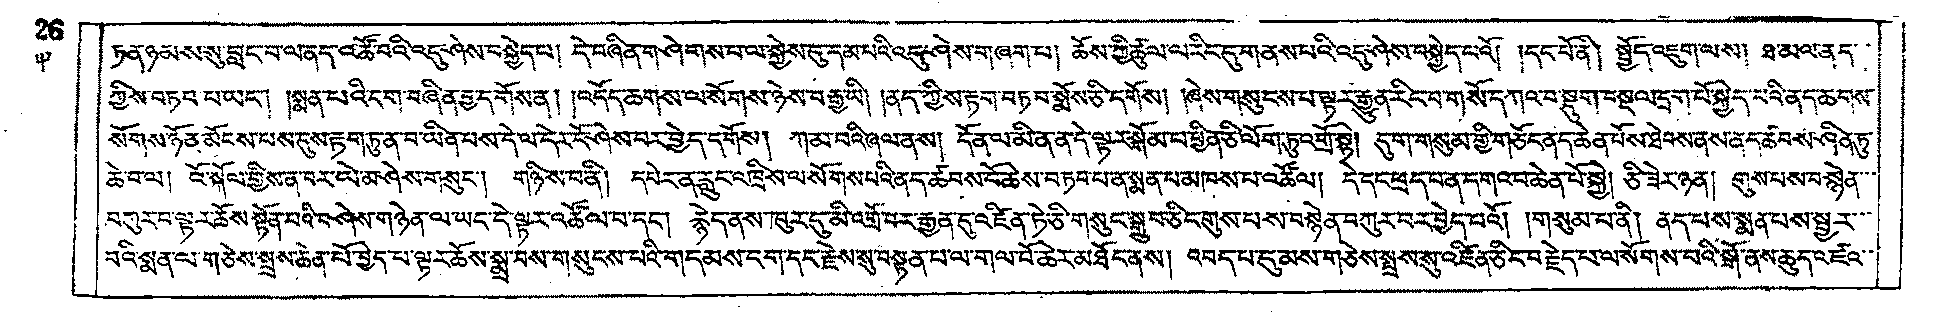ཏན་ཉམས་སུ་བླང་བ་ལ་ནད་འཚོ་བའི་འདུ་ཤེས་བསྐྱེད་པ། དེ་བཞིན་གཤེགས་པ་ལ་སྐྱེས་བུ་དམ་པའི་འདུ་ཤེས་གཞག་པ། ཆོས་ཀྱི་ཚུལ་ལ་རིང་དུ་གནས་པའི་འདུ་ཤེས་བསྐྱེད་པའོ། །དང་པོ་ནི། སྤྱོད་འཇུག་ལས། ཐ་མ་ལ་ནད་
ཀྱིས་བཏབ་པ་ཡང་། །སྨན་པའི་ངག་བཞིན་བྱ་དགོས་ན། །འདོད་ཆགས་ལ་སོགས་ཉེས་བརྒྱ་ཡི། །ནད་ཀྱིས་རྟག་བཏབ་སྨོས་ཅི་དགོས། །ཞེས་གསུངས་པ་ལྟར་རྒྱུན་རིང་བ་གསོ་དཀའ་བ་སྡུག་བསྔལ་དྲག་པོ་སྐྱེད་པའི་ནད་ཆགས་
སོགས་ཉོན་མོངས་པས་དུས་རྟག་ཏུ་ན་བ་ཡིན་པས་དེ་ལ་དེར་ངོ་ཤེས་པར་བྱེད་དགོས། ཀ་མ་བའི་ཞལ་ནས། དོན་ལ་མིན་ན་དེ་ལྟར་སྒོམ་པ་ཕྱིན་ཅི་ལོག་ཏུ་འགྲོ་སྟེ། དུག་གསུམ་གྱི་གཅོང་ནད་ཆེན་པོས་ཐེབས་ནས་ནད་ཚབས་ཤིན་ཏུ་
ཆེ་བ་ལ། འོ་སྐོལ་གྱིས་ན་བར་ཡེ་མ་ཤེས་གསུང་། གཉིས་པ་ནི། དཔེར་ན་རླུང་འཁྲིས་ལ་སོགས་པའི་ནད་ཚབས་པོ་ཆེས་བཏབ་པ་ན་སྨན་པ་མཁས་པ་འཚོལ། དེ་དང་ཕྲད་པ་ན་དགའ་བ་ཆེན་པོ་སྐྱེ། ཅི་ཟེར་ཉན། གུས་པས་བསྙེན་
བཀུར་བ་ལྟར་ཆོས་སྟོན་པའི་བཤེས་གཉེན་ལ་ཡང་དེ་ལྟར་འཚོལ་བ་དང་། རྙེད་ནས་ཁུར་དུ་མི་འགྲོ་བར་རྒྱན་དུ་འཛིན་ཏེ་ཅི་གསུང་སྒྲུབ་ཅིང་གུས་པས་བསྙེན་བཀུར་བར་བྱེད་པའོ། །གསུམ་པ་ནི། ནད་པས་སྨན་པས་སྦྱར་
བའི་སྨན་ལ་གཅེས་སྤྲས་ཆེན་པོ་བྱེད་པ་ལྟར་ཆོས་སྨྲ་བས་གསུངས་པའི་གདམས་ངག་དང་རྗེས་སུ་བསྟན་པ་ལ་གལ་པོ་ཆེར་མཐོང་ནས། འབད་པ་དུ་མས་གཅེས་སྤྲས་སུ་འཛིན་ཅིང་བརྗེད་པ་ལ་སོགས་པའི་སྒོ་ནས་ཆུད་འཛའ་